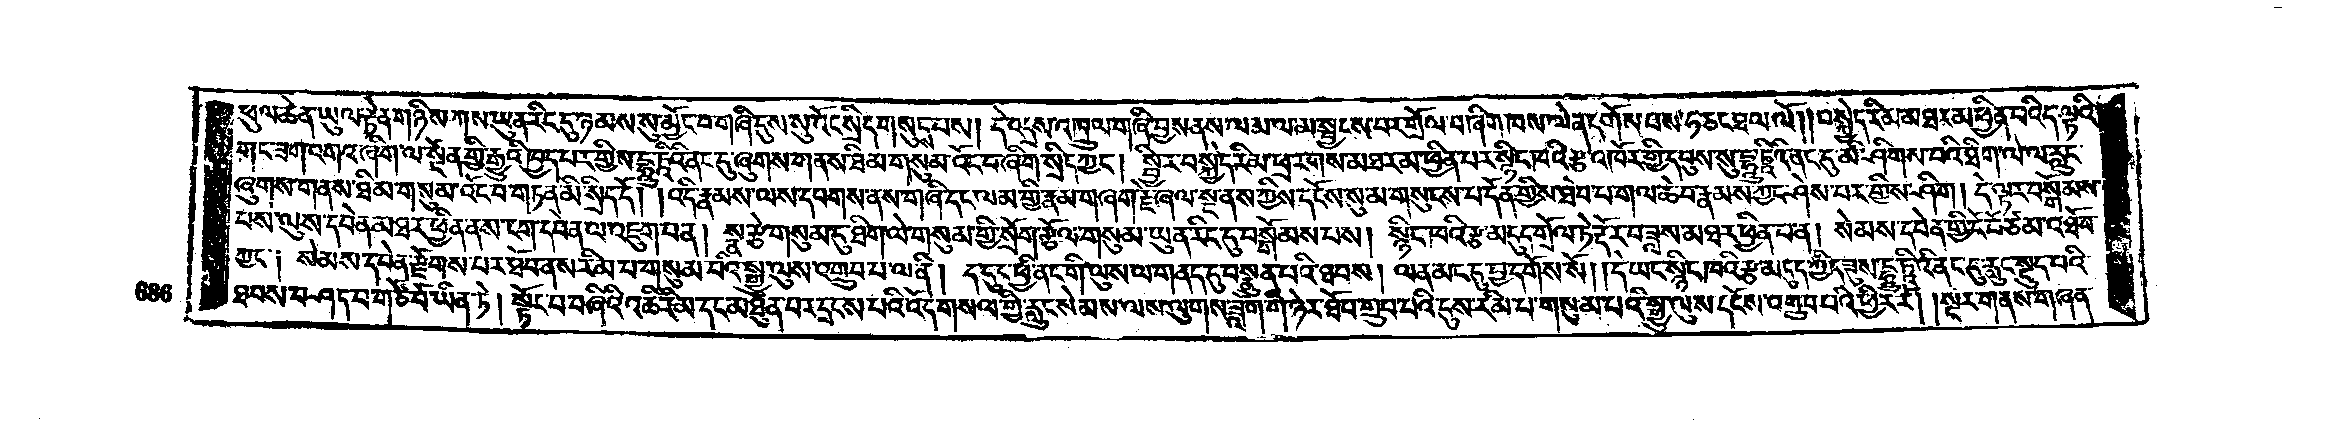ཕུལ་ཆེན་ཡུལ་རྟེན་གཉིས་ཀས་ཡུན་རིང་དུ་ཉམས་སུ་མྱོང་བ་གཞི་དུས་སུ་འོང་སྲིད་གསུངས་པས། དེ་འདྲས་འཁྲུལ་གཞི་བྱས་ནས་ལམ་ལ་མ་སྦྱངས་པར་གྲོལ་བ་ཞིག་ཁས་ལེན་དགོས་པས་ཧ་ཅང་ཐལ་ལོ། །བསྐྱེད་རིམ་མཐར་མ་ཕྱིན་པའི་ད་ལྟའི་
གང་ཟག་འགའ་ཞིག་ལ་སྔོན་གྱི་རྒྱུའི་ཁྱད་པར་གྱིས་དྷཱུ་ཏཱིའི་ནང་དུ་ཞུགས་གནས་ཐིམ་གསུམ་འོང་བ་ཞིག་སྲིད་ཀྱང་། སྤྱིར་བསྐྱེད་རིམ་ཕྲ་རགས་མཐར་མ་ཕྱིན་པར་སྙིང་ཁའི་རྩ་འཁོར་གྱི་དབུས་སུ་དྷཱུ་ཏཱིའི་ནང་དུ་མི་ཤིགས་པའི་ཐིག་ལེ་ལ་རླུང་
ཞུགས་གནས་ཐིམ་གསུམ་འོང་བ་གཏན་མི་སྲིད་དོ། །འདི་རྣམས་ལས་དཔགས་ནས་གཞི་དང་ལམ་གྱི་རྣམ་གཞག་རྗེ་ཞལ་སྔ་ནས་ཀྱིས་དངོས་སུ་མ་གསུངས་པ་དོན་གྱིས་ཐོབ་པ་གལ་ཆེ་བ་རྣམས་ཀྱང་ཤེས་པར་གྱིས་ཤིག །དེ་ལྟར་བསྒོམས་
པས་ལུས་དབེན་མཐར་ཕྱིན་ནས་ངག་དབེན་ལ་འཇུག་པ་ན། སྣ་རྩེ་གསུམ་དུ་ཐིག་ལེ་གསུམ་གྱི་སྲོག་རྩོལ་གསུམ་ཡུན་རིང་དུ་བསྒོམས་པས། སྙིང་ཁའི་རྩ་མདུད་གྲོལ་ཏེ་རྡོར་བཟླས་མཐར་ཕྱིན་པ་ན། སེམས་དབེན་གྱི་ངོ་བོ་ཙམ་འཐོབ་
ཀྱང་། སེམས་དབེན་རྫོགས་པར་ཐོབ་ནས་རིམ་པ་གསུམ་པའི་སྒྱུ་ལུས་འགྲུབ་པ་ལ་ནི། ད་དུང་ཕྱི་ནང་གི་ལུས་ལ་གནད་དུ་བསྣུན་པའི་ཐབས། ལན་མང་དུ་བྱ་དགོས་སོ། །དེ་ཡང་སྙིང་ཁའི་རྩ་མདུད་ཀྱི་དབུས་དྷཱུ་ཏཱིའི་ནང་དུ་རླུང་སྡུད་པའི་
ཐབས་བཤད་པ་གཙོ་བོ་ཡིན་ཏེ། སྟོང་པ་བཞིའི་འཆི་རིམ་དང་མཐུན་པར་དྲངས་པའི་འོད་གསལ་གྱི་རླུང་སེམས་ལས་ལུགས་ཟློག་གི་ཉེར་ཐོབ་གྲུབ་པའི་དུས་རིམ་པ་གསུམ་པའི་སྒྱུ་ལུས་དངོས་འགྲུབ་པའི་ཕྱིར་རོ། །སྔར་གནས་གཞན་